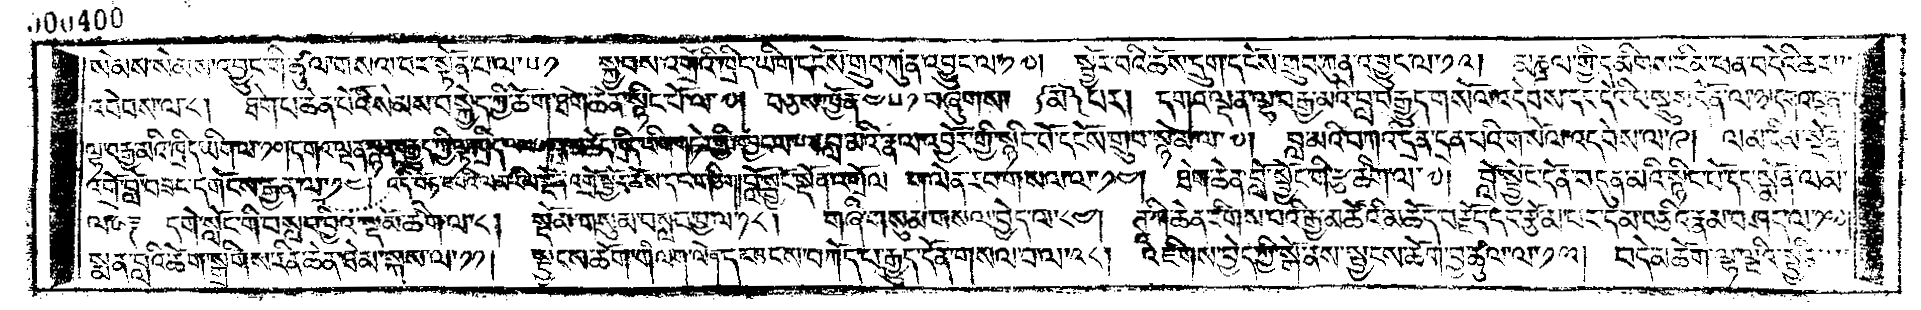སེམས་སེམས་འབྱུང་གི་ཚུལ་གསལ་བར་སྟོན་པ་ལ ༥༡། སྐྱབས་འགྲོའི་ཁྲིད་ཡིག་དངོས་གྲུབ་ཀུན་འབྱུང་ལ ༡༠། སྦྱོར་བའི་ཆོས་དྲུག་དངོས་གྲུབ་ཀུན་འབྱུང་ལ ༡༢། མཎྜལ་གྱི་དམིགས་རིམ་ཕན་བདེའི་ཆར་
འབེབས་ལ ༨། ཐེག་པ་ཆེན་པོའི་སེམས་བསྐྱེད་ཀྱི་ཆོ་ག་ཐེག་ཆེན་སྙིང་པོ་ལ ༧། བཅས་ཁྱོན ༤༥༡་བཞུགས། ༼མ༽ པར། དགའ་ལྡན་ལྷ་བརྒྱ་མའི་བླ་བརྒྱུད་གསོལ་འདེབས་དང་དེའི་བསྡུས་དོན་ལ ༣་དགའ་ལྡན་
ལྷ་བརྒྱ་མའི་ཁྲིད་ཡིག་ལ ༡༠། དགའ་ལྡན་སྙན་བརྒྱུད་ཀྱི་ལྟ་ཁྲིད་ལ ༢༦། བླ་མཆོད་ཁྲིད་ཡིག་གཏེར་གྱི་ཁ་བྱང་ལ ༥༣། བླ་མའི་རྣལ་འབྱོར་གྱི་སྙིང་པོ་དངོས་གྲུབ་སྙེམ་ལ ༧། བླ་མའི་བཀའ་དྲིན་དྲན་པའི་གསོལ་འདེབས་ལ ༩། ལམ་རིམ་སྔོན་
འགྲོ་བློ་བཟང་དགོངས་རྒྱན་ལ ༡༤། འདི་པོ་ཏ་ཐ་པའི་ལམ་རིམ་སྔོན་འགྲོ་སྦྱོར་ཆོས་དང་གཅིག།  བློ་སྦྱོང་སྡོན་འགྲོ་ལག་ལེན་རབ་གསལ་ལ ༡༤། ཐེག་ཆེན་བློ་སྦྱོང་གི་རྩ་ཚིག་ལ ༧། བློ་སྦྱོང་དོན་བདུན་མའི་སྙིང་པོ་དང་སྨོན་ལམ་
ལ ༦༑ དགེ་སློང་གི་བསླབ་བྱའི་སྡོམ་ཚིག་ལ ༨། སྡོམ་གསུམ་བསླབ་བྱ་ལ ༡༨། གཞི་གསུམ་གསལ་བྱེད་ལ ༨༤། ཊཱཀི་ཆེན་རིགས་པའི་རྒྱ་མཚོའི་མཆོད་བརྗོད་དང་རྩོམ་པར་དམ་བཅའི་རྣམ་བཤད་ལ ༡༠༧།
སྨན་བླའི་ཆོག་སྒྲིགས་རིན་ཆེན་ཐེམ་སྐས་ལ ༡༡། སྦྱངས་ཆོག་གི་ལག་ལེན་དར་ཁང་བཀོད་པ་རྒྱུད་དོན་གསལ་བ་ལ ༢༨། འཇིགས་བྱེད་ཀྱི་སྒོ་ནས་སྦྱངས་ཆོག་བྱ་ཚུལ་ལ ༡༣། བདེ་མཆོག་ལྷ་ལྔའི་སྦྱིན་